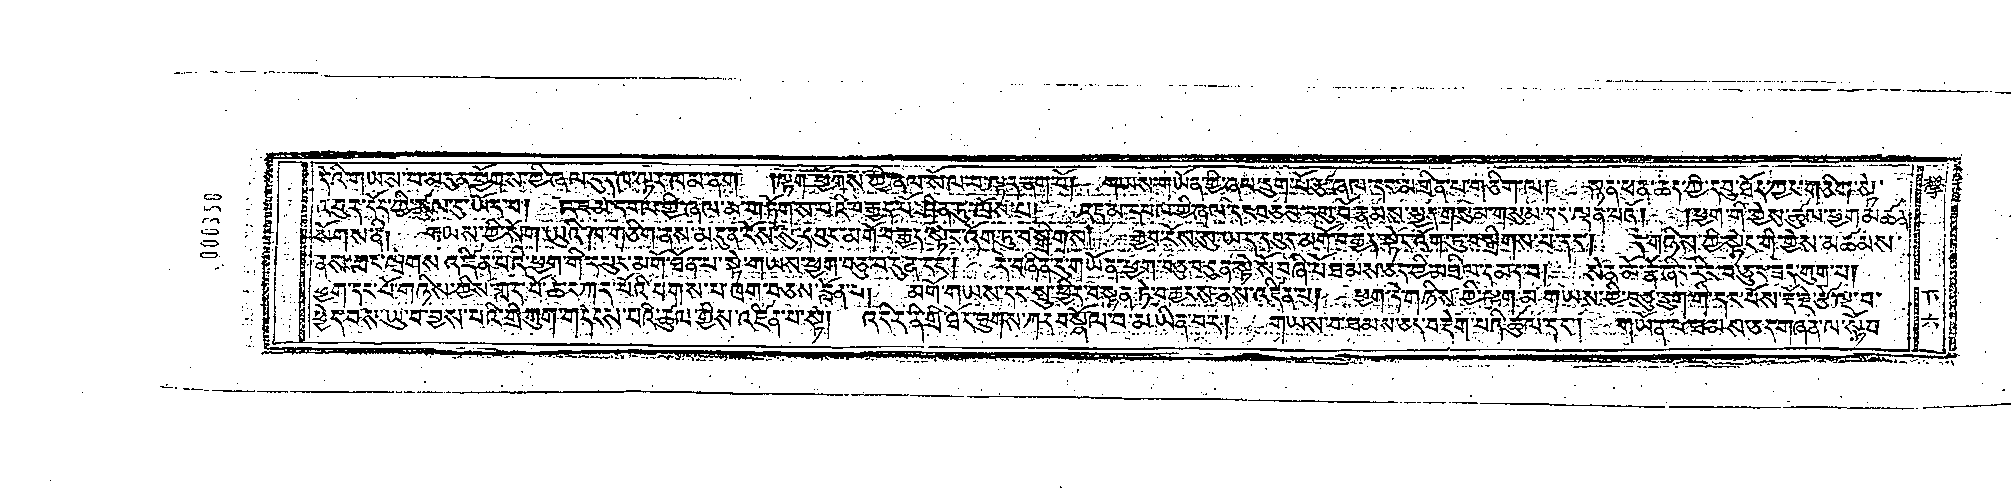དེའི་གཡས་པ་མདུན་ཕྱོགས་ཀྱི་ཞལ་དུད་ཁ་ལྟར་ཁམ་ནག །ལྟག་ཕྱོགས་ཀྱི་ཞལ་སོལ་བ་ལྟར་ནག་པོ། གཡས་གཡོན་གྱི་ཞལ་དྲུག་པོ་རྩ་ཞལ་དང་མགྲིན་པ་གཅིག་ལ། སྙན་ཕན་ཆད་ཀྱི་དབུ་ཐོད་ཀྱང་གཅིག་སྟེ་
འབུར་དོད་ཀྱི་ཚུལ་དུ་ཡོད་བ། འཇམ་དབལ་གྱི་ཞལ་མ་གཏོགས་པའི་བརྒྱད་པོ་ཤིན་ཏུ་ཁྲོས་པ། འཇམ་དཔལ་གྱི་ཞལ་དང་བཅས་དགུ་བོ་རྣམས་སྦྱན་གསུམ་གསུམ་དང་ལྡན་པའོ། །ཕྱག་གི་གྱེས་ཚུལ་ཕྱག་མཚན་
སོགས་ནི། གཡས་ཀྱི་སོག་ཡུའི་ཁ་གཅིག་ནས་མདུན་ངོས་སུ་དཔུང་མགོ་བརྒྱད་སྟེང་འོག་ཏུ་བསྒྲིགས། རྒྱབ་ངོས་སུ་ཡང་དཔུང་མགོ་བརྒྱད་སྟེང་འོག་ཏུ་བསྒྲིགས་པ་དང་། དེ་གཉིས་ཀྱི་སྟེང་གི་གྱིས་མཚམས་
ནས་གླང་ལྤགས་འཛིན་པའི་ཕྱག་གི་དཔུང་མགོ་ཐོན་པ་སྟེ་གཡས་ཕྱག་བཅུ་བདུན་དང་། དེ་བཞིན་དུ་གཡོན་ཕྱག་བཅུ་བདུན་སྟེ་སོ་བཞི་པོ་ཐམས་ཅད་ཀྱི་མཐིལ་དམར་བ། སེན་མོ་རྣོ་ཞིང་རིང་བ་ཅུང་ཟད་གུག་པ།
ཕྱག་དང་པོ་གཉིས་ཀྱིས་གླང་པོ་ཆེ་དཀར་པོའི་པགས་པ་ཁྲག་བཅས་རློན་པ། མགོ་གཡས་དང་སྤུ་ཕྱིར་བསྟན་ཏེ་བརྐྱངས་ནས་འཛིན་པ། ཕྱག་དེ་གཉིས་ཀྱི་ལྷག་མ་གཡས་ཀྱི་བཅུ་དྲུག་གི་དང་པོས་རྡོ་རྗེ་རྩེ་ལྔ་བ་
ཕྱེད་བས་ཡུ་བ་བྱས་པའི་གྲི་གུག་གདེངས་པའི་ཚུལ་གྱིས་འཛིན་པ་སྟེ། འདིར་ནི་གྲོ་ཐོད་ཐུགས་ཀར་བསྣོལ་བ་མ་ཡིན་བར། གཡས་བ་ཐམས་ཅད་བརྡེག་པའི་ཚུལ་དང་། གཡོན་པ་ཐམས་ཅད་གཞན་ལ་སྟོབ་